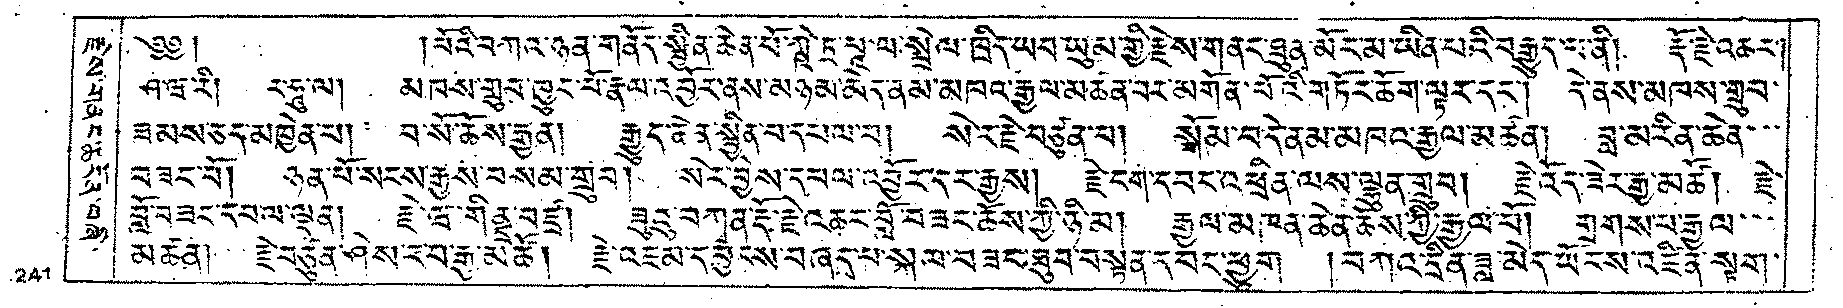༄༅། །པོའི་བཀའ་ཉན་གནོད་སྦྱིན་ཆེན་པོ་ཀྵེ་ཏྲ་པཱ་ལ་སྤྲེལ་ཁྲིད་ཡབ་ཡུམ་གྱི་རྗེས་གནང་ཐུན་མོང་མ་ཡིན་པའི་བརྒྱུད་པ་ནི། རྡོ་རྗེ་འཆང་།
ཤ་ཝ་རི། ར་ཧཱུ་ལ། མཁས་གྲུབ་ཁྱུང་པོ་རྣལ་འབྱོར་ནས་མཉམ་མེད་ནམ་མཁའ་རྒྱལ་མཚན་བར་མགོན་པོའི་གཏོང་ཆོག་ལྟར་དང་། དེ་ནས་མཁས་གྲུབ་
ཐམས་ཅད་མཁྱེན་པ། བ་སོ་ཆོས་རྒྱན། རྒྱུད་ཆེན་སྦྱིན་པ་དཔལ་བ། སེ་ར་རྗེ་བཙུན་པ། སྒོམ་བདེ་ནམ་མཁའ་རྒྱལ་མཚན། བླ་མ་རིན་ཆེན་
བཟང་པོ། ཉན་པོ་སངས་རྒྱས་བསམ་གྲུབ། སེར་བྱེས་དཔལ་འབྱོར་དར་རྒྱས། རྗེ་ངག་དབང་འཕྲིན་ལས་ལྷུན་གྲུབ། རྗེ་འོད་ཟེར་རྒྱ་མཚོ། རྗེ་
བློ་བཟང་དཔལ་ལྡན། རྗེ་ཝ་གི་ནྡྲ་བཛྲ། ཐུའུ་བཀྭན་རྡོ་རྗེ་འཆང་བློ་བཟང་ཆོས་ཀྱི་ཉི་མ། རྒྱལ་མཁན་ཆེན་ཆོས་ཀྱི་རྒྱལ་པོ། གྲགས་པ་རྒྱལ་
མཚན། རྗེ་བཙུན་ཤེས་རབ་རྒྱ་མཚོ། རྗེ་འཇམ་དབྱངས་བཞད་པ་སྐལ་བཟང་ཐུབ་བསྟན་དབང་ཕྱུག །བཀའ་དྲིན་ཟླ་མེད་ཡོངས་འཛིན་སྟག་